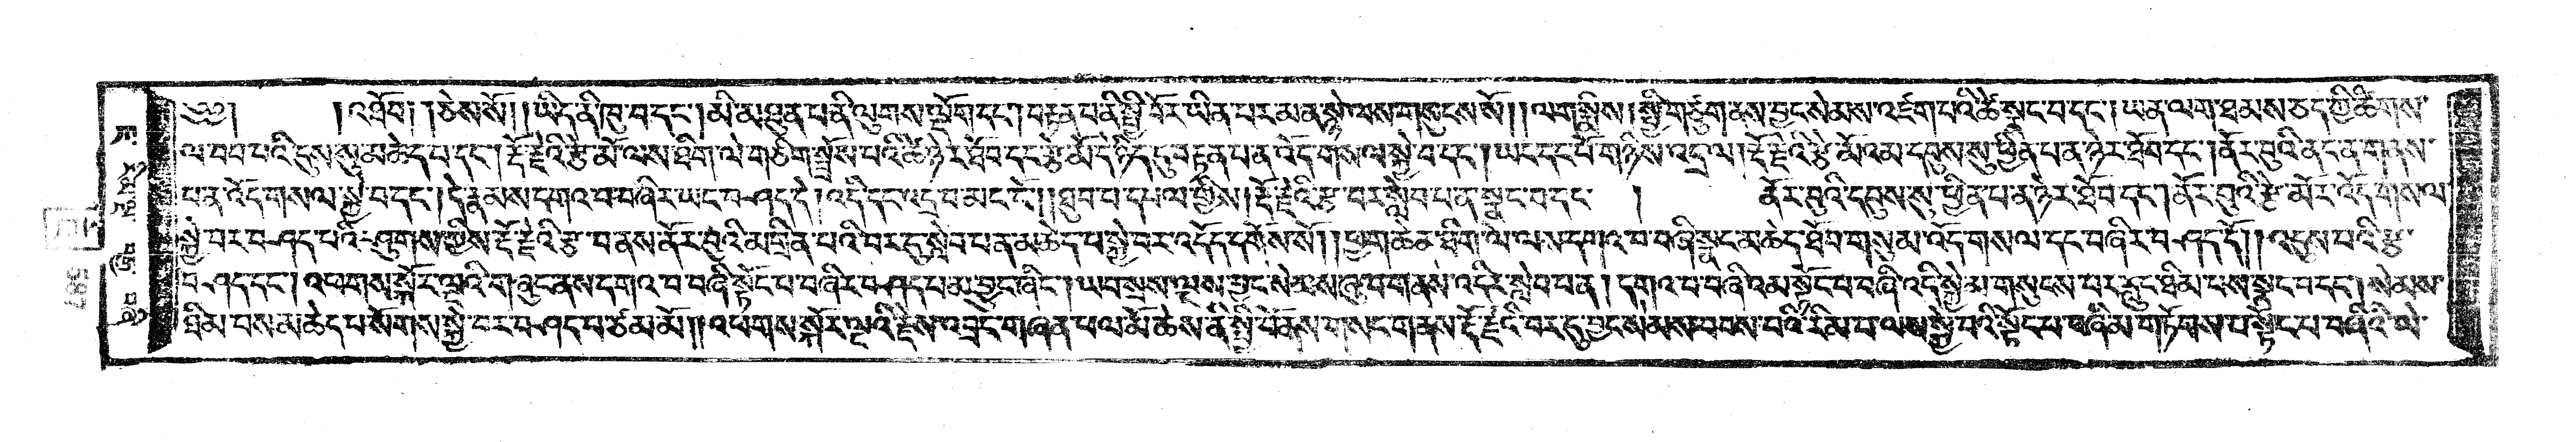༄༅། །འཐོབ། །ཅེས་སོ། །ཡིད་ནི་ཁུ་བ་དང་། མི་མཐུན་པ་ནི་ལུགས་ལྡོག་དང་། བརྟན་པ་ནི་སྤྱི་བོར་ཡིན་པར་མན་སྙེ་ལས་གསུངས་སོ། །ལག་སྨིས། སྤྱི་གཙུག་ནས་བྱང་སེམས་འཛག་པའི་ཚེ་སྣང་བ་དང་། ཡན་ལག་ཐམས་ཅད་ཀྱི་ཚིགས་
ལ་བབ་པའི་དུས་སུ་མཆེད་པ་དང་། རྡོ་རྗེའི་རྩེ་མོ་ལས་ཐིག་ལེ་གཅིག་སྤྲོས་པའི་ཚེ་ཉེར་ཐོབ་དང་རྩེ་མོ་དེ་ཉིད་དུ་བརྟན་པ་ན་འོད་གསལ་སྐྱེ་བ་དང་། ཡང་དང་པོ་གཉིས་འདྲ་ལ། རྡོ་རྗེའི་རྩེ་མོའམ་དབུས་སུ་ཕྱིན་པ་ན་ཉེར་ཐོབ་དང་། ནོར་བུའི་ནང་ན་གནས་
པ་ན་འོད་གསལ་སྐྱེ་བ་དང་། དེ་རྣམས་དགའ་བ་བཞིར་ཡང་བཤད་དེ། འདི་དང་འདྲ་བ་མང་ངོ། །ཐུབ་པ་དཔལ་གྱིས། རྡོ་རྗེའི་རྩ་བར་སླེབ་པ་ན་སྣང་བ་དང་། །ནོར་བུའི་དབུས་སུ་ཕྱིན་པ་ན་ཉེར་ཐོབ་དང་། ནོར་བུའི་རྩེ་མོར་འོད་གསལ་
སྐྱེ་བར་བཤད་པའི་ཤུགས་ཀྱིས་རྡོ་རྗེའི་རྩ་བ་ནས་ནོར་བུའི་མགྲིན་པའི་བར་དུ་སླེབ་པ་ན་མཆེད་པ་སྐྱེ་བར་འདོད་དགོས་སོ། །ཕྱག་ཆེན་ཐིག་ལེ་ལས་དགའ་བ་བཞི་སྣང་མཆད་ཐོབ་གསུམ་འོད་གསལ་དང་བཞིར་བཤད་དོ། །འདུས་པའི་རྩ་
བཤད་དང་།འཕགས་སྐོར་ལྔའི་གཞུང་ནས་དགའ་བ་བཞི་སྟོང་པ་བཞིར་བཤད་པ་མ་བྱུང་ཞིང་། ཡབ་སྲས་ལྔས་བྱང་སེམས་ཞུ་བ་གནས་འདིར་སླེབ་པ་ན། དགའ་བ་བཞི་འམ་སྟོང་པ་བཞི་འདི་སྐྱེ་མ་གསུངས་པར་རླུང་ཐིམ་པས་སྣང་བ་དང་། སེམས་
ཐིམ་པས་མཆེད་པ་སོགས་སྐྱེ་བར་བཤད་པ་ཙམ་མོ། །འཕགས་སྐོར་ལྔའི་རྗེས་འབྲང་གཞན་ཕལ་མོ་ཆེས་ནི་སྤྱི་བོ་ནས་གསང་གནས་རྡོ་རྗེའི་བར་དུ་བྱང་སེམས་བབས་པའི་རིམ་པ་ལས་སྐྱ་བའི་སྟོང་པ་བཞི་མ་གཏོགས་པ་སྟོང་པ་བཞིའི་ཡེ་